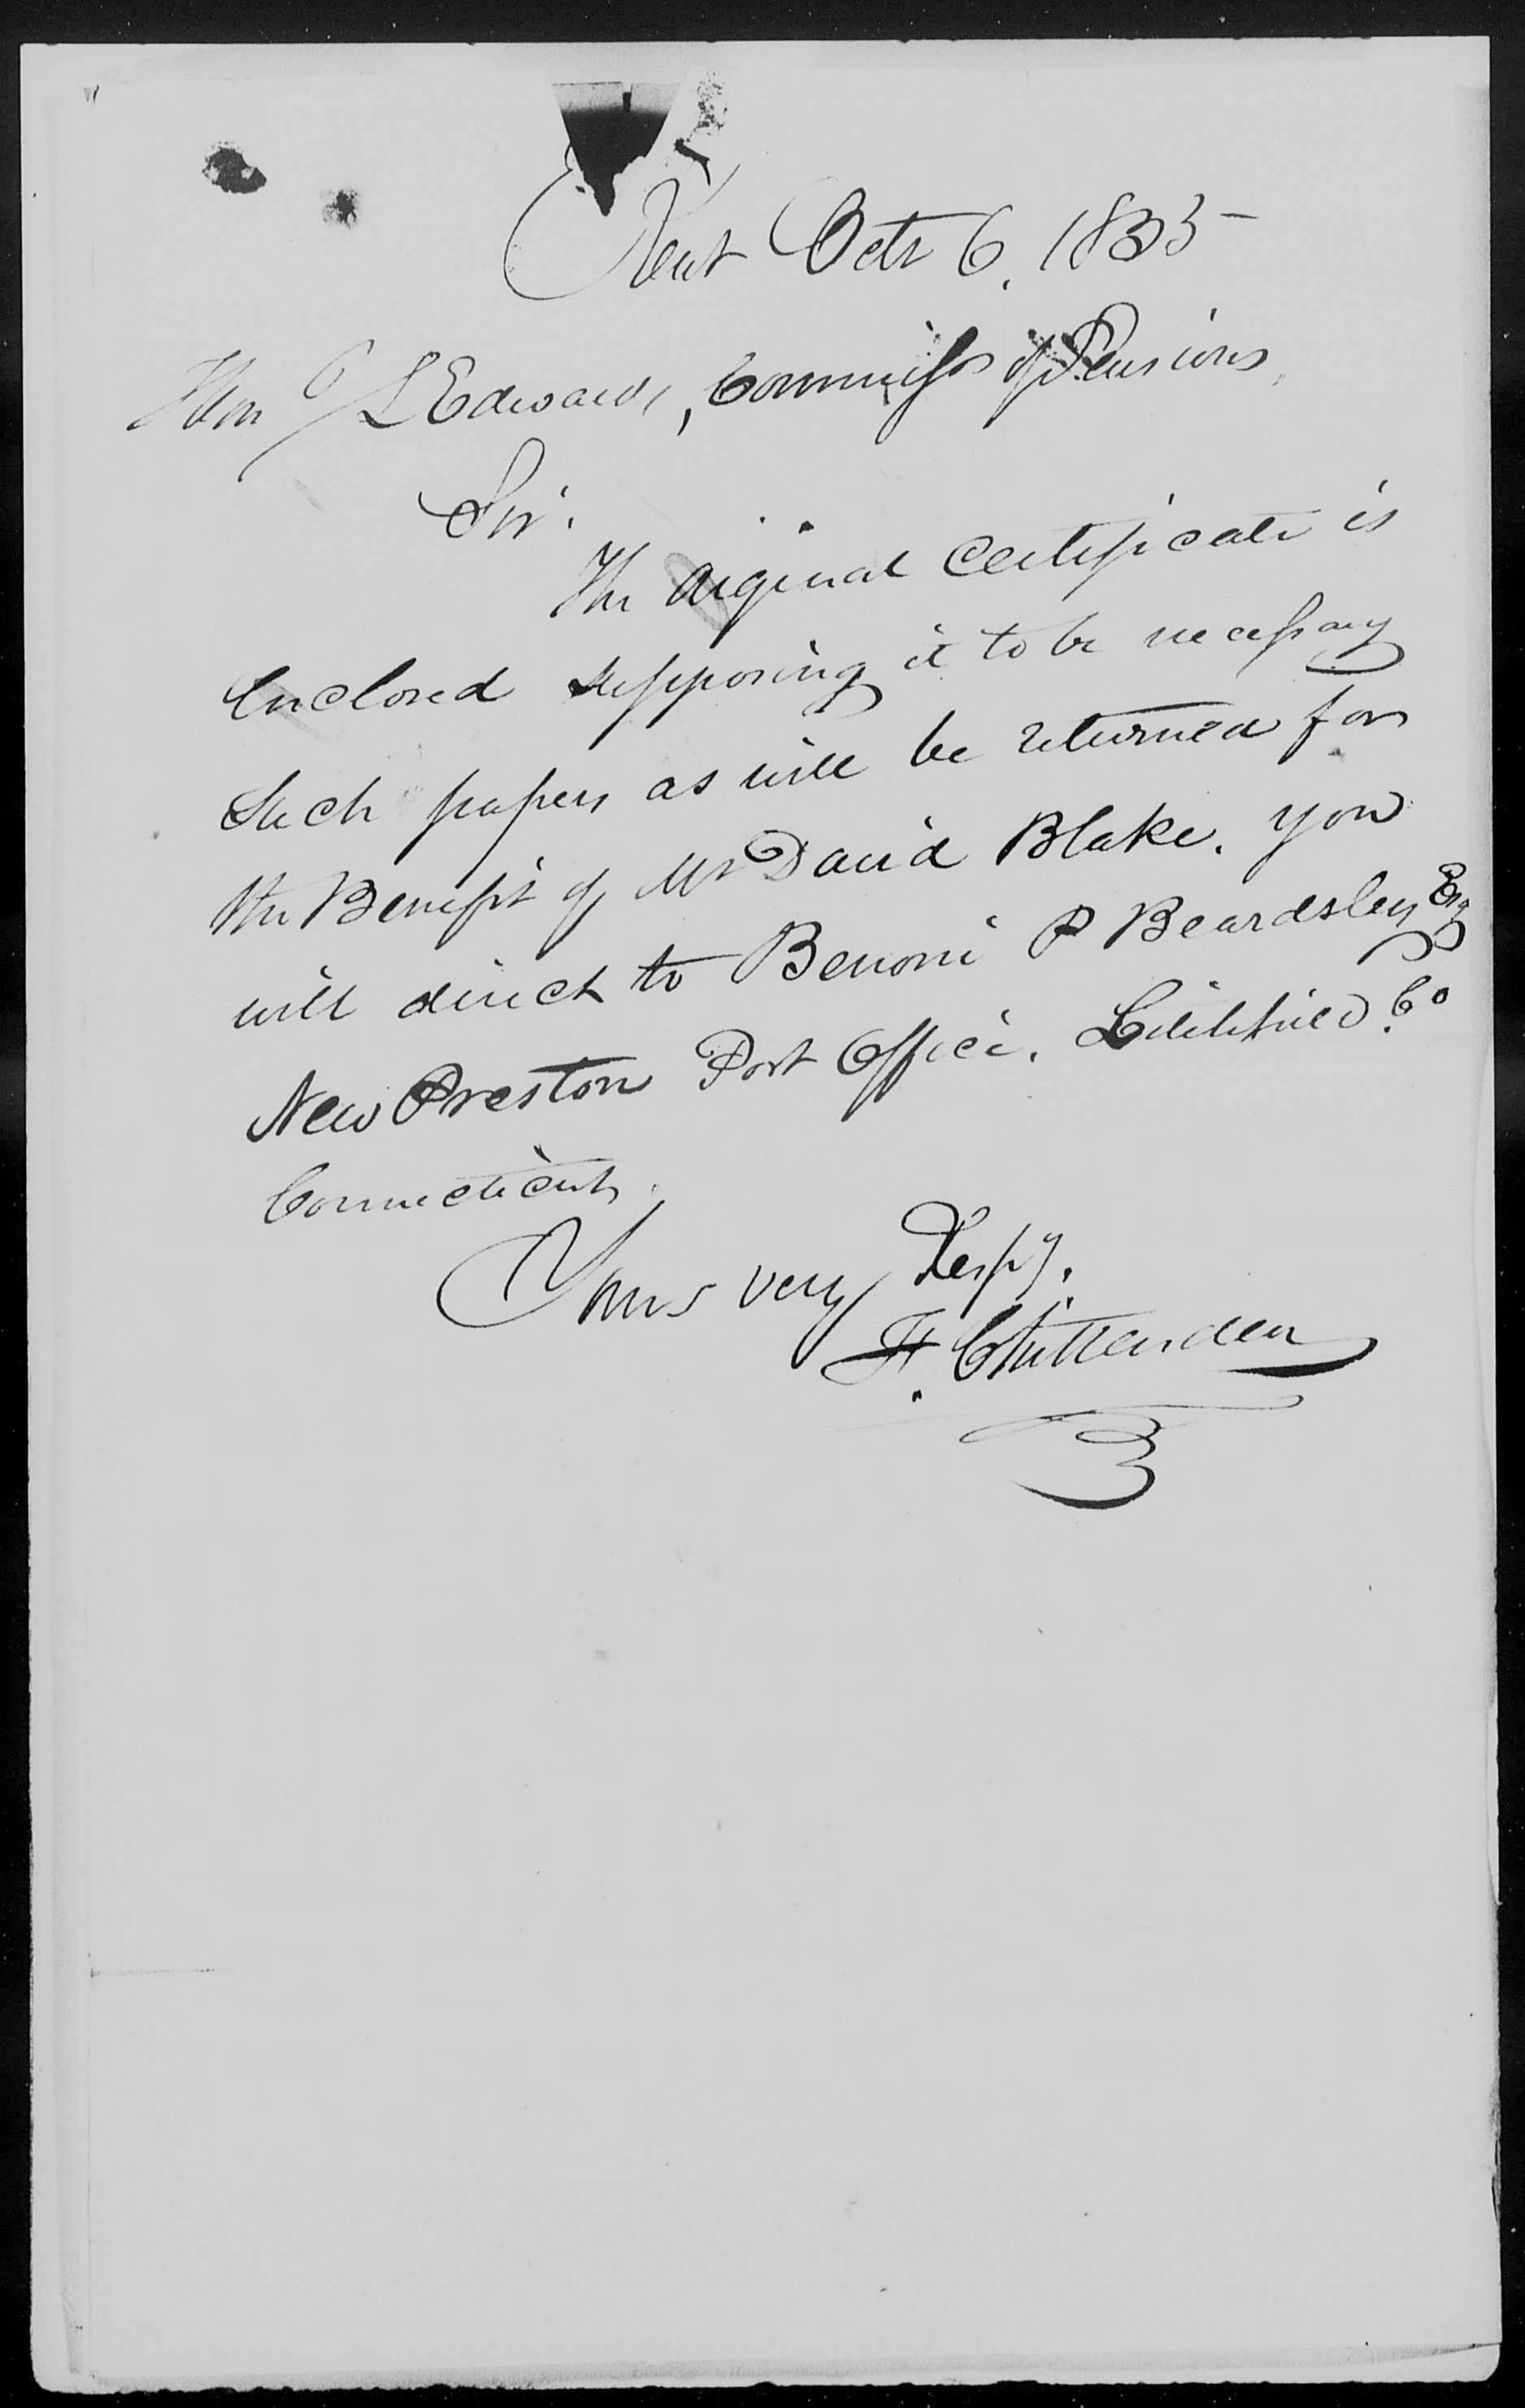[illegible] Octr 6, 1823
Hon J L Edwards Commiss of Pensions
Sr:
The original certificate is
Enclosed supposing it to be necessary
such papers as will be returned for
the Benefit of Mr David Blake you
will direct to Benoni P Beardsley
New Preston Port Office, Littlefield Co
Connecticut
Yours very truly
H. Chittenden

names: H Chittenden, J L Edwards, David Blake, Benoni P Beardsley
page: 17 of 21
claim: survivor's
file: S. 23,128, David Blake, Conn.